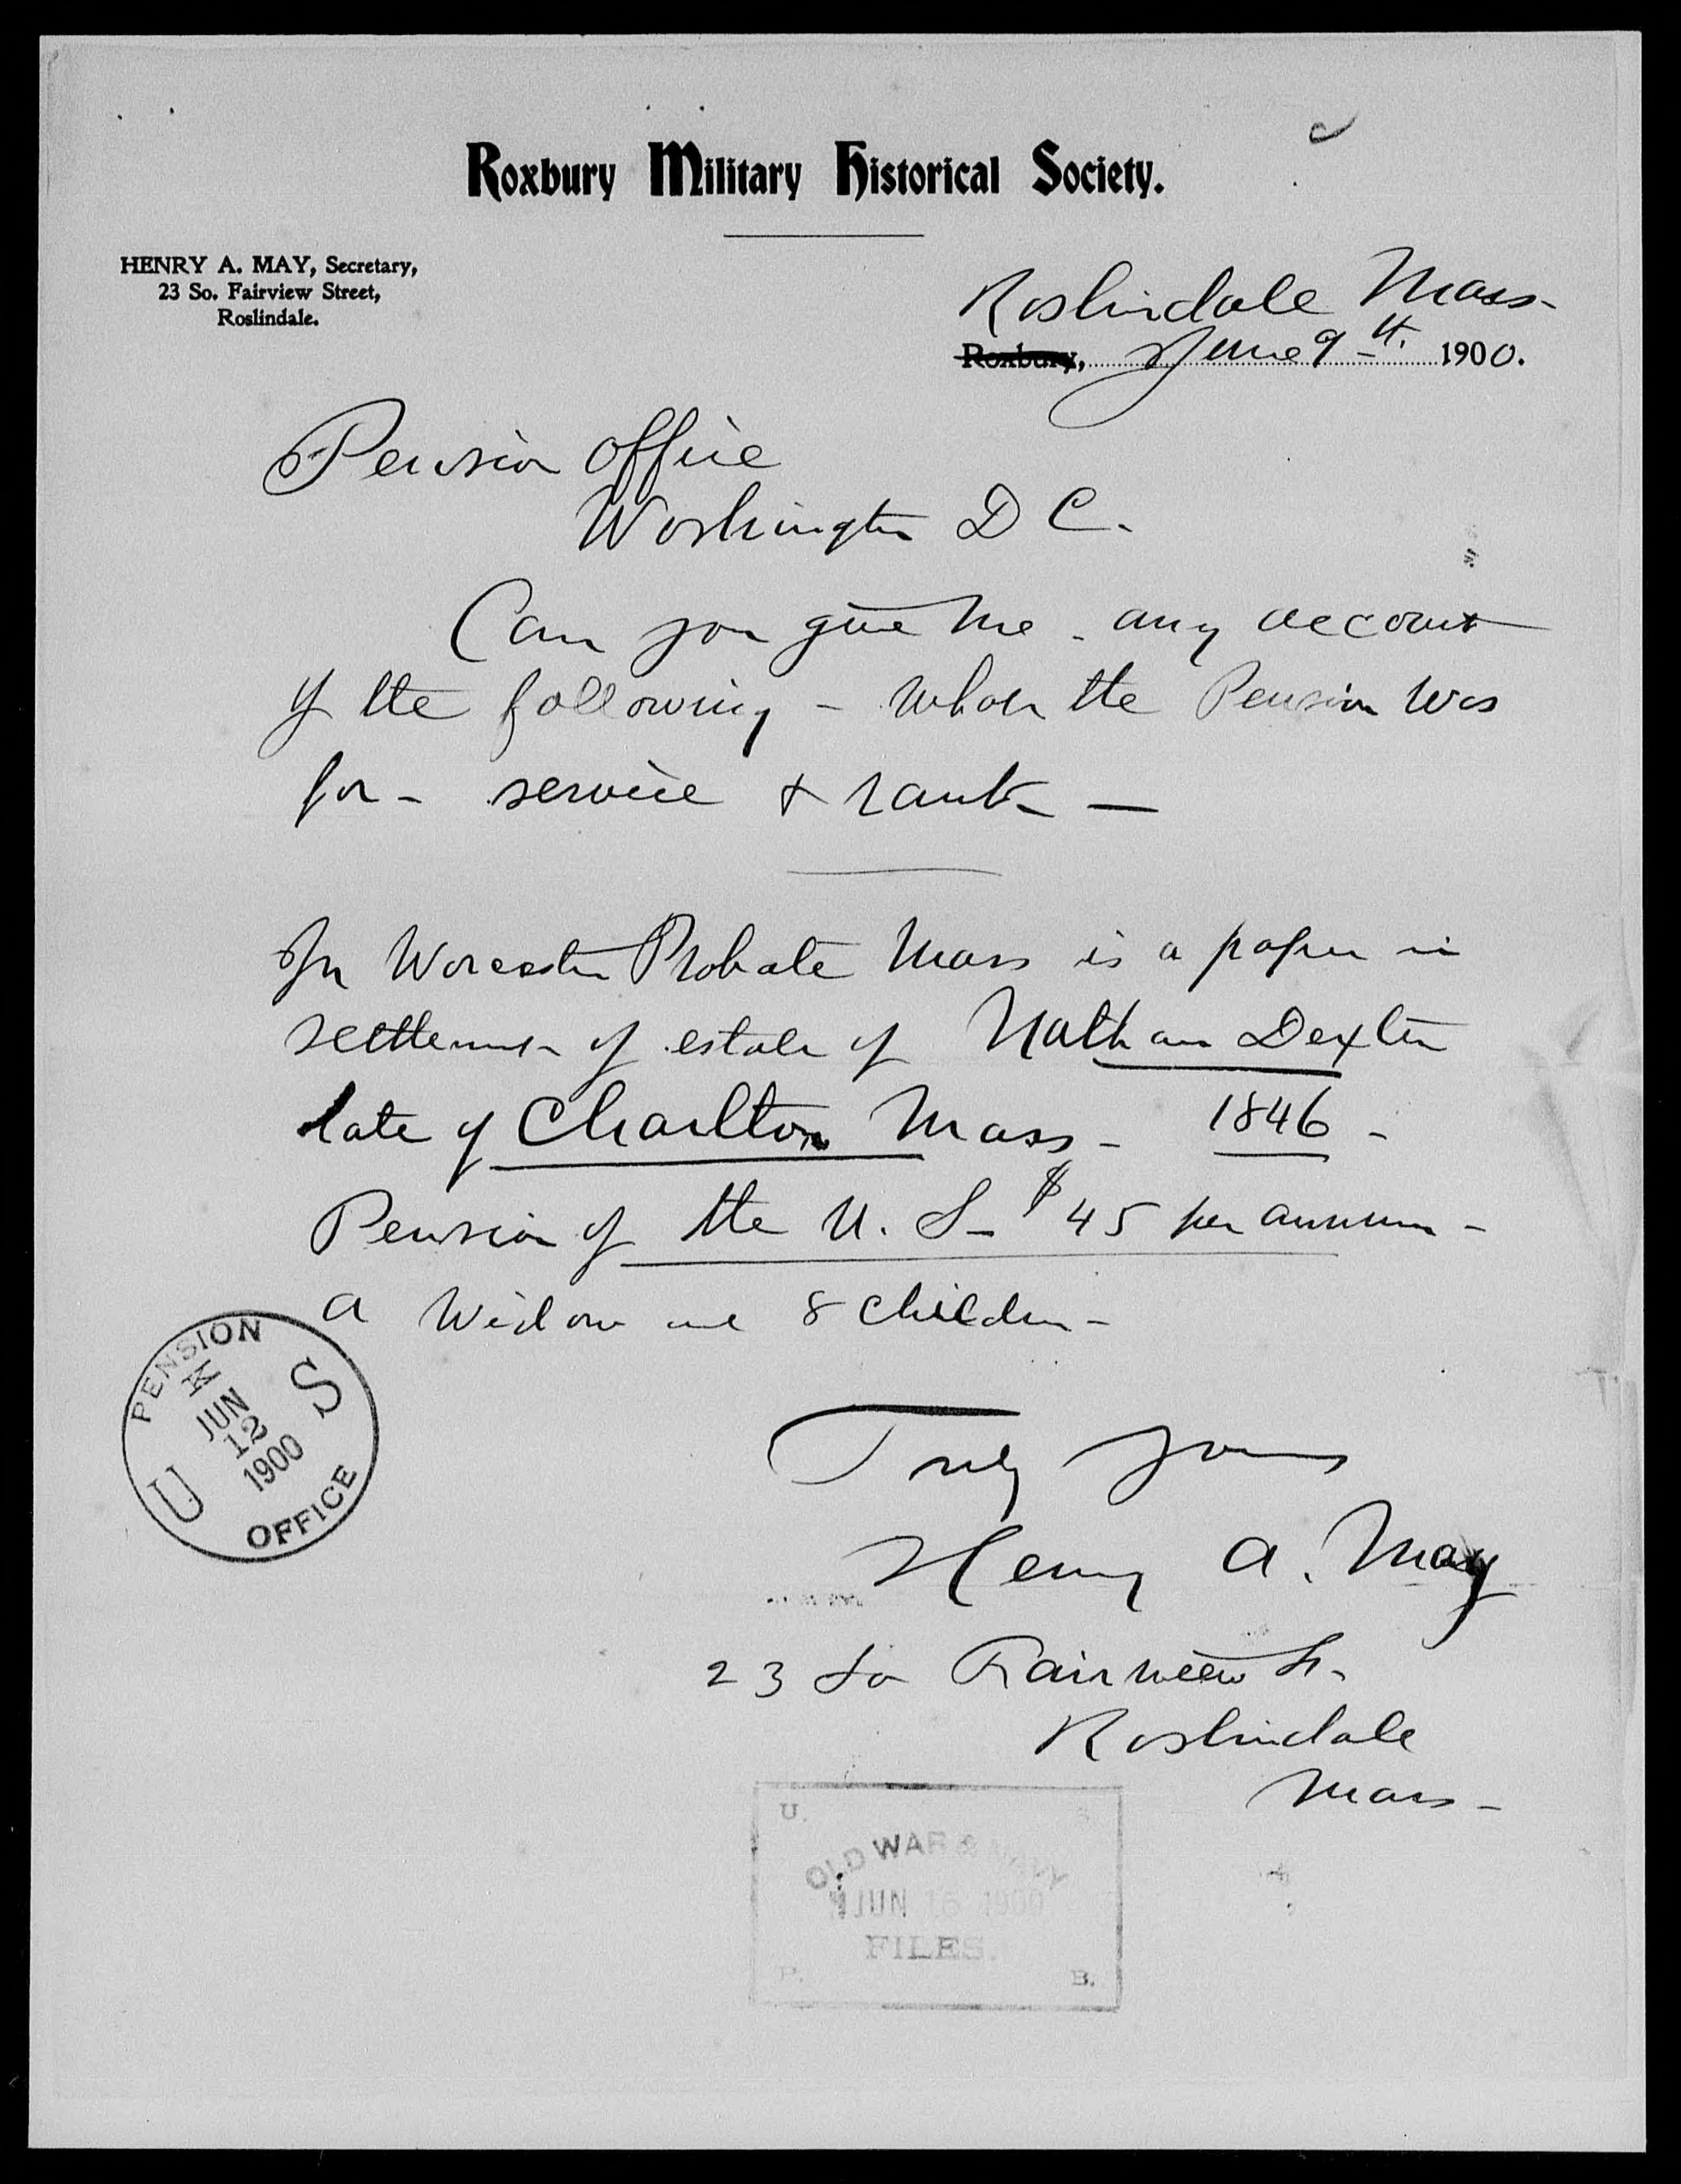Roxbury Military Historical Society.
HENRY A. MAY, Secretary,
23 So. Fairview Street,
Roslindale.

Roslindale Mass
June 9th 1900.
Pension office
Washington DC
Can you give me any account of the following - whom the Pension was for - service & rank --
In Worcester Probate Mass is a paper in
settlement of estate of Nathan Dexter late of Charlton Mass - 1846
Pension of the U. S. - $45 per annum -
Widow & 8 children
Truly yours
Henry A. May
23 So Fairview St.
Roslindale
Mass
[Stamped]:  
U. S PENSION OFFICE
K
JUN 12 1900
[Stamped]:
OLD WAR & NAVY FILES
JUN 16 1900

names: Henry A May, Henry A May, Nathan Dexter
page: 21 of 35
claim: survivor's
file: S. 18374, Nathan Dexter, R.I.